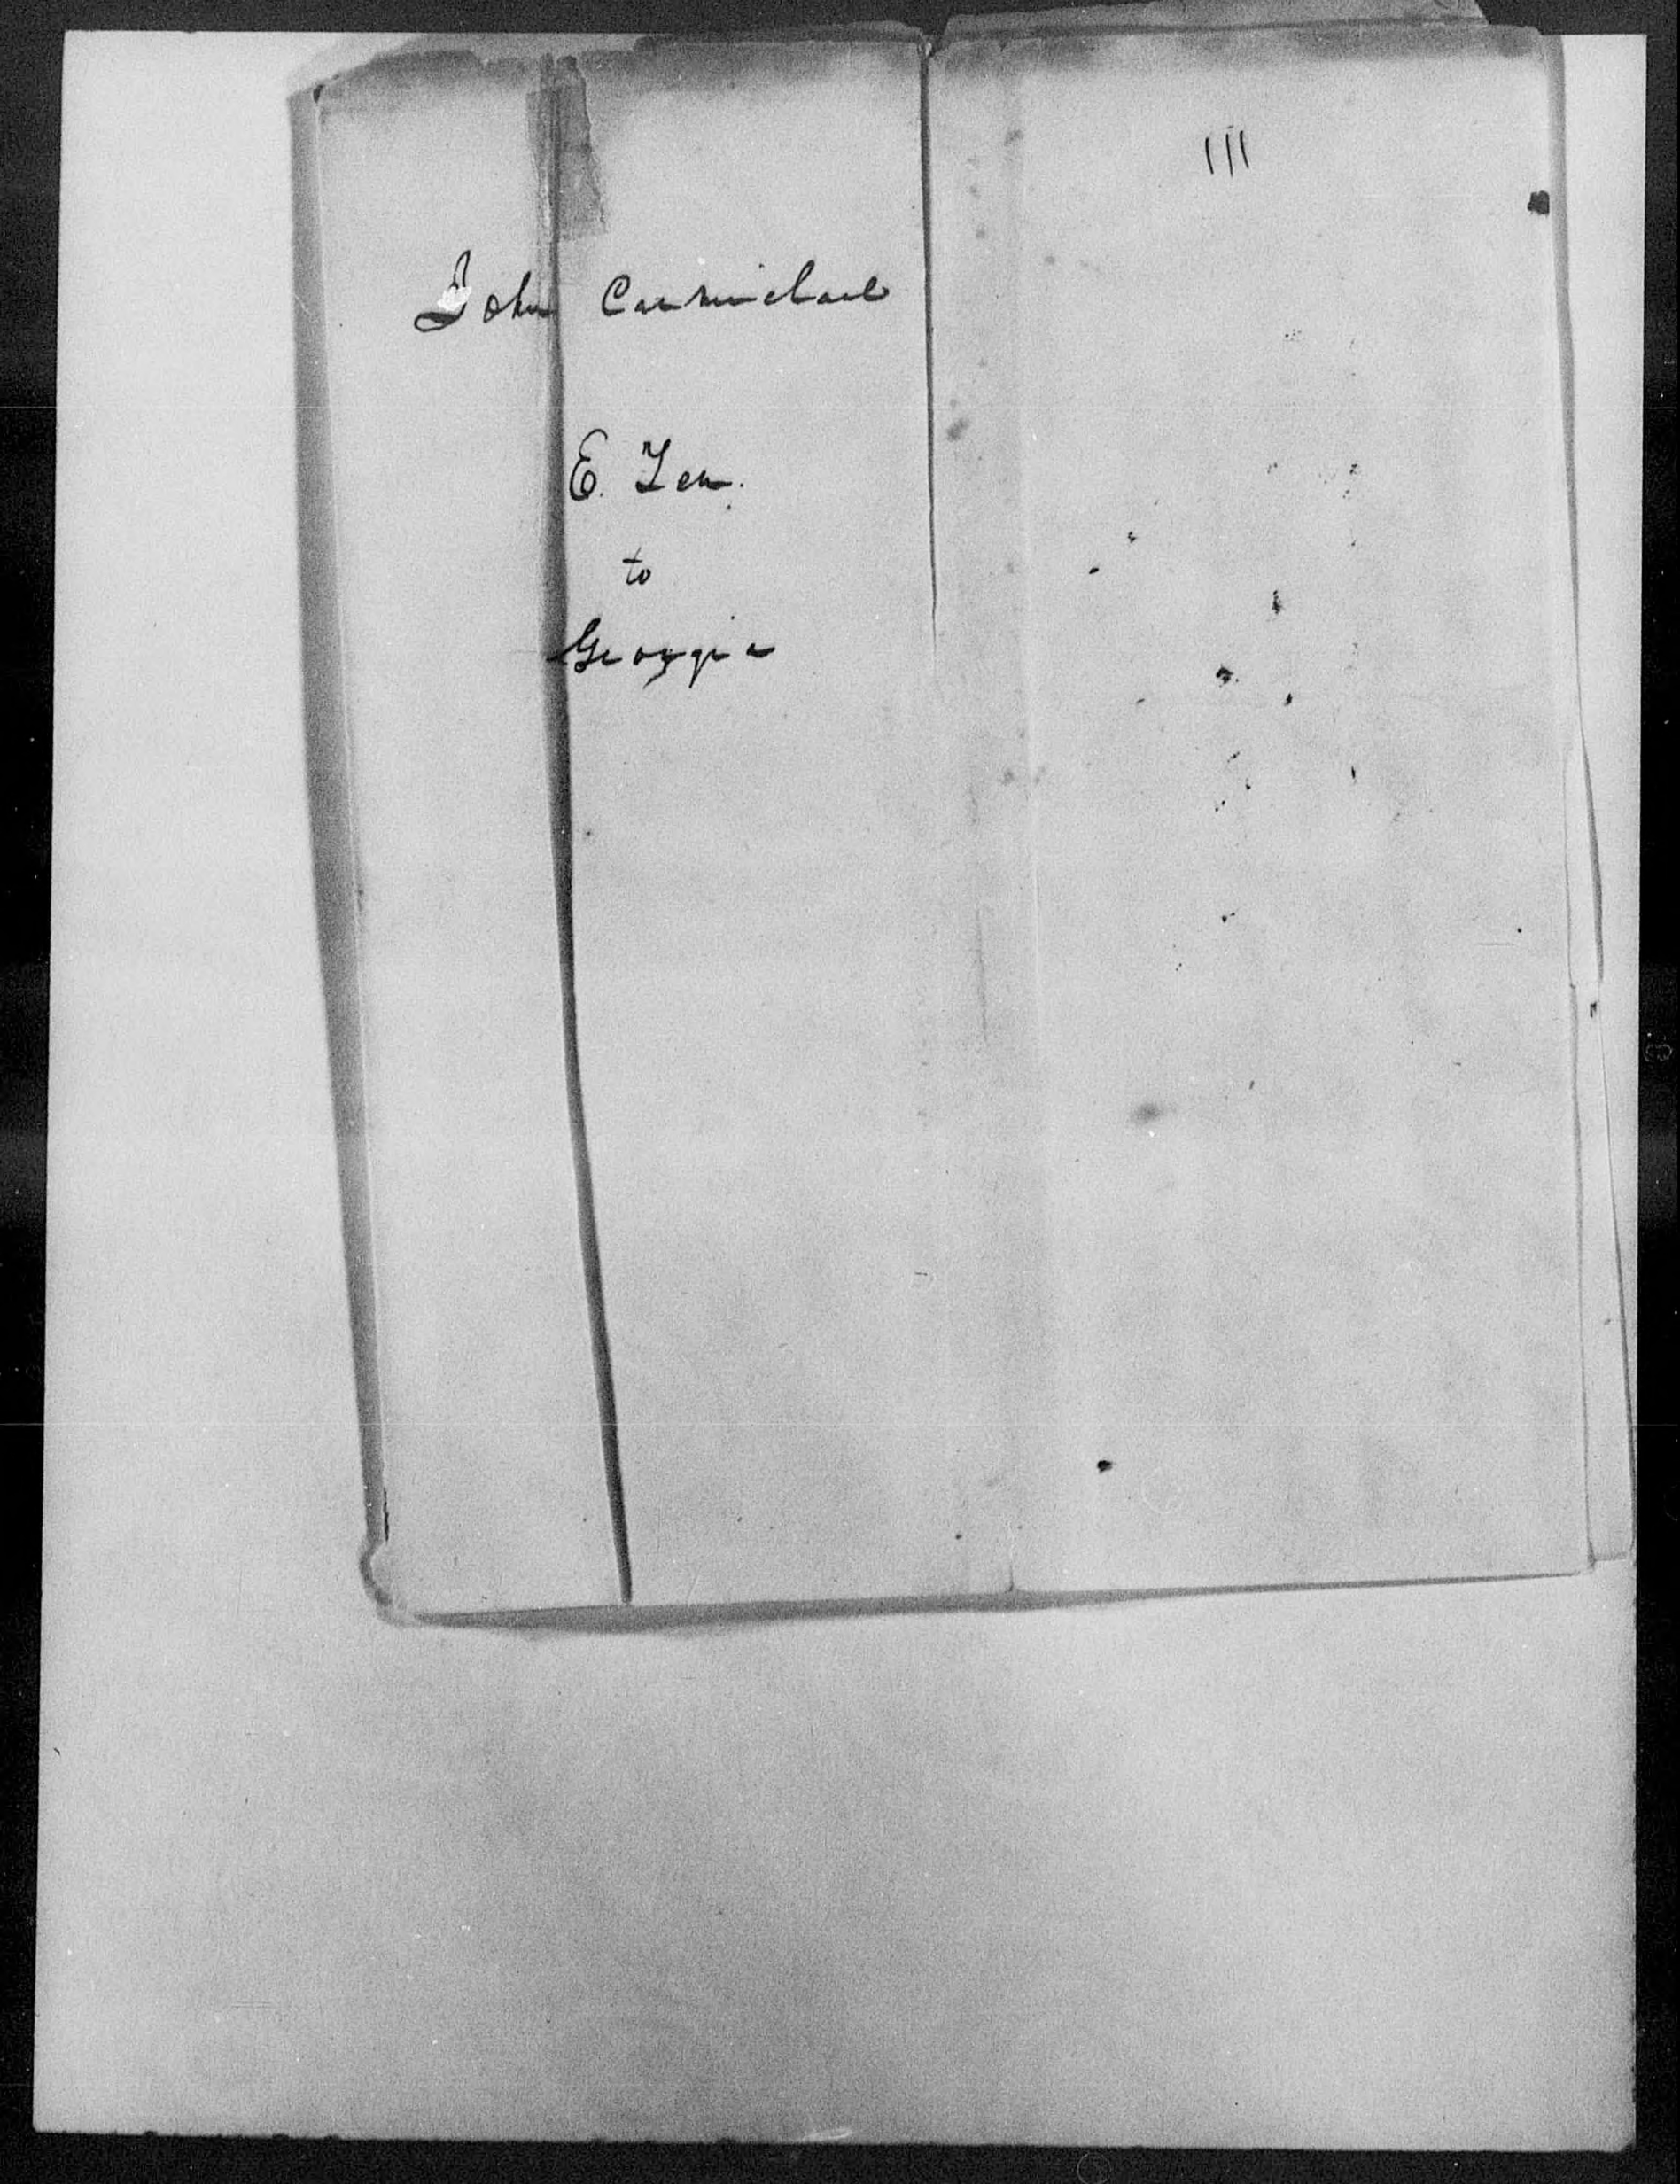John Carmichael

E. Ten.
to
Georgia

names: John Carmichael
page: 26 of 42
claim: survivor's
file: S. 31,595, John Carmickele, Penn.